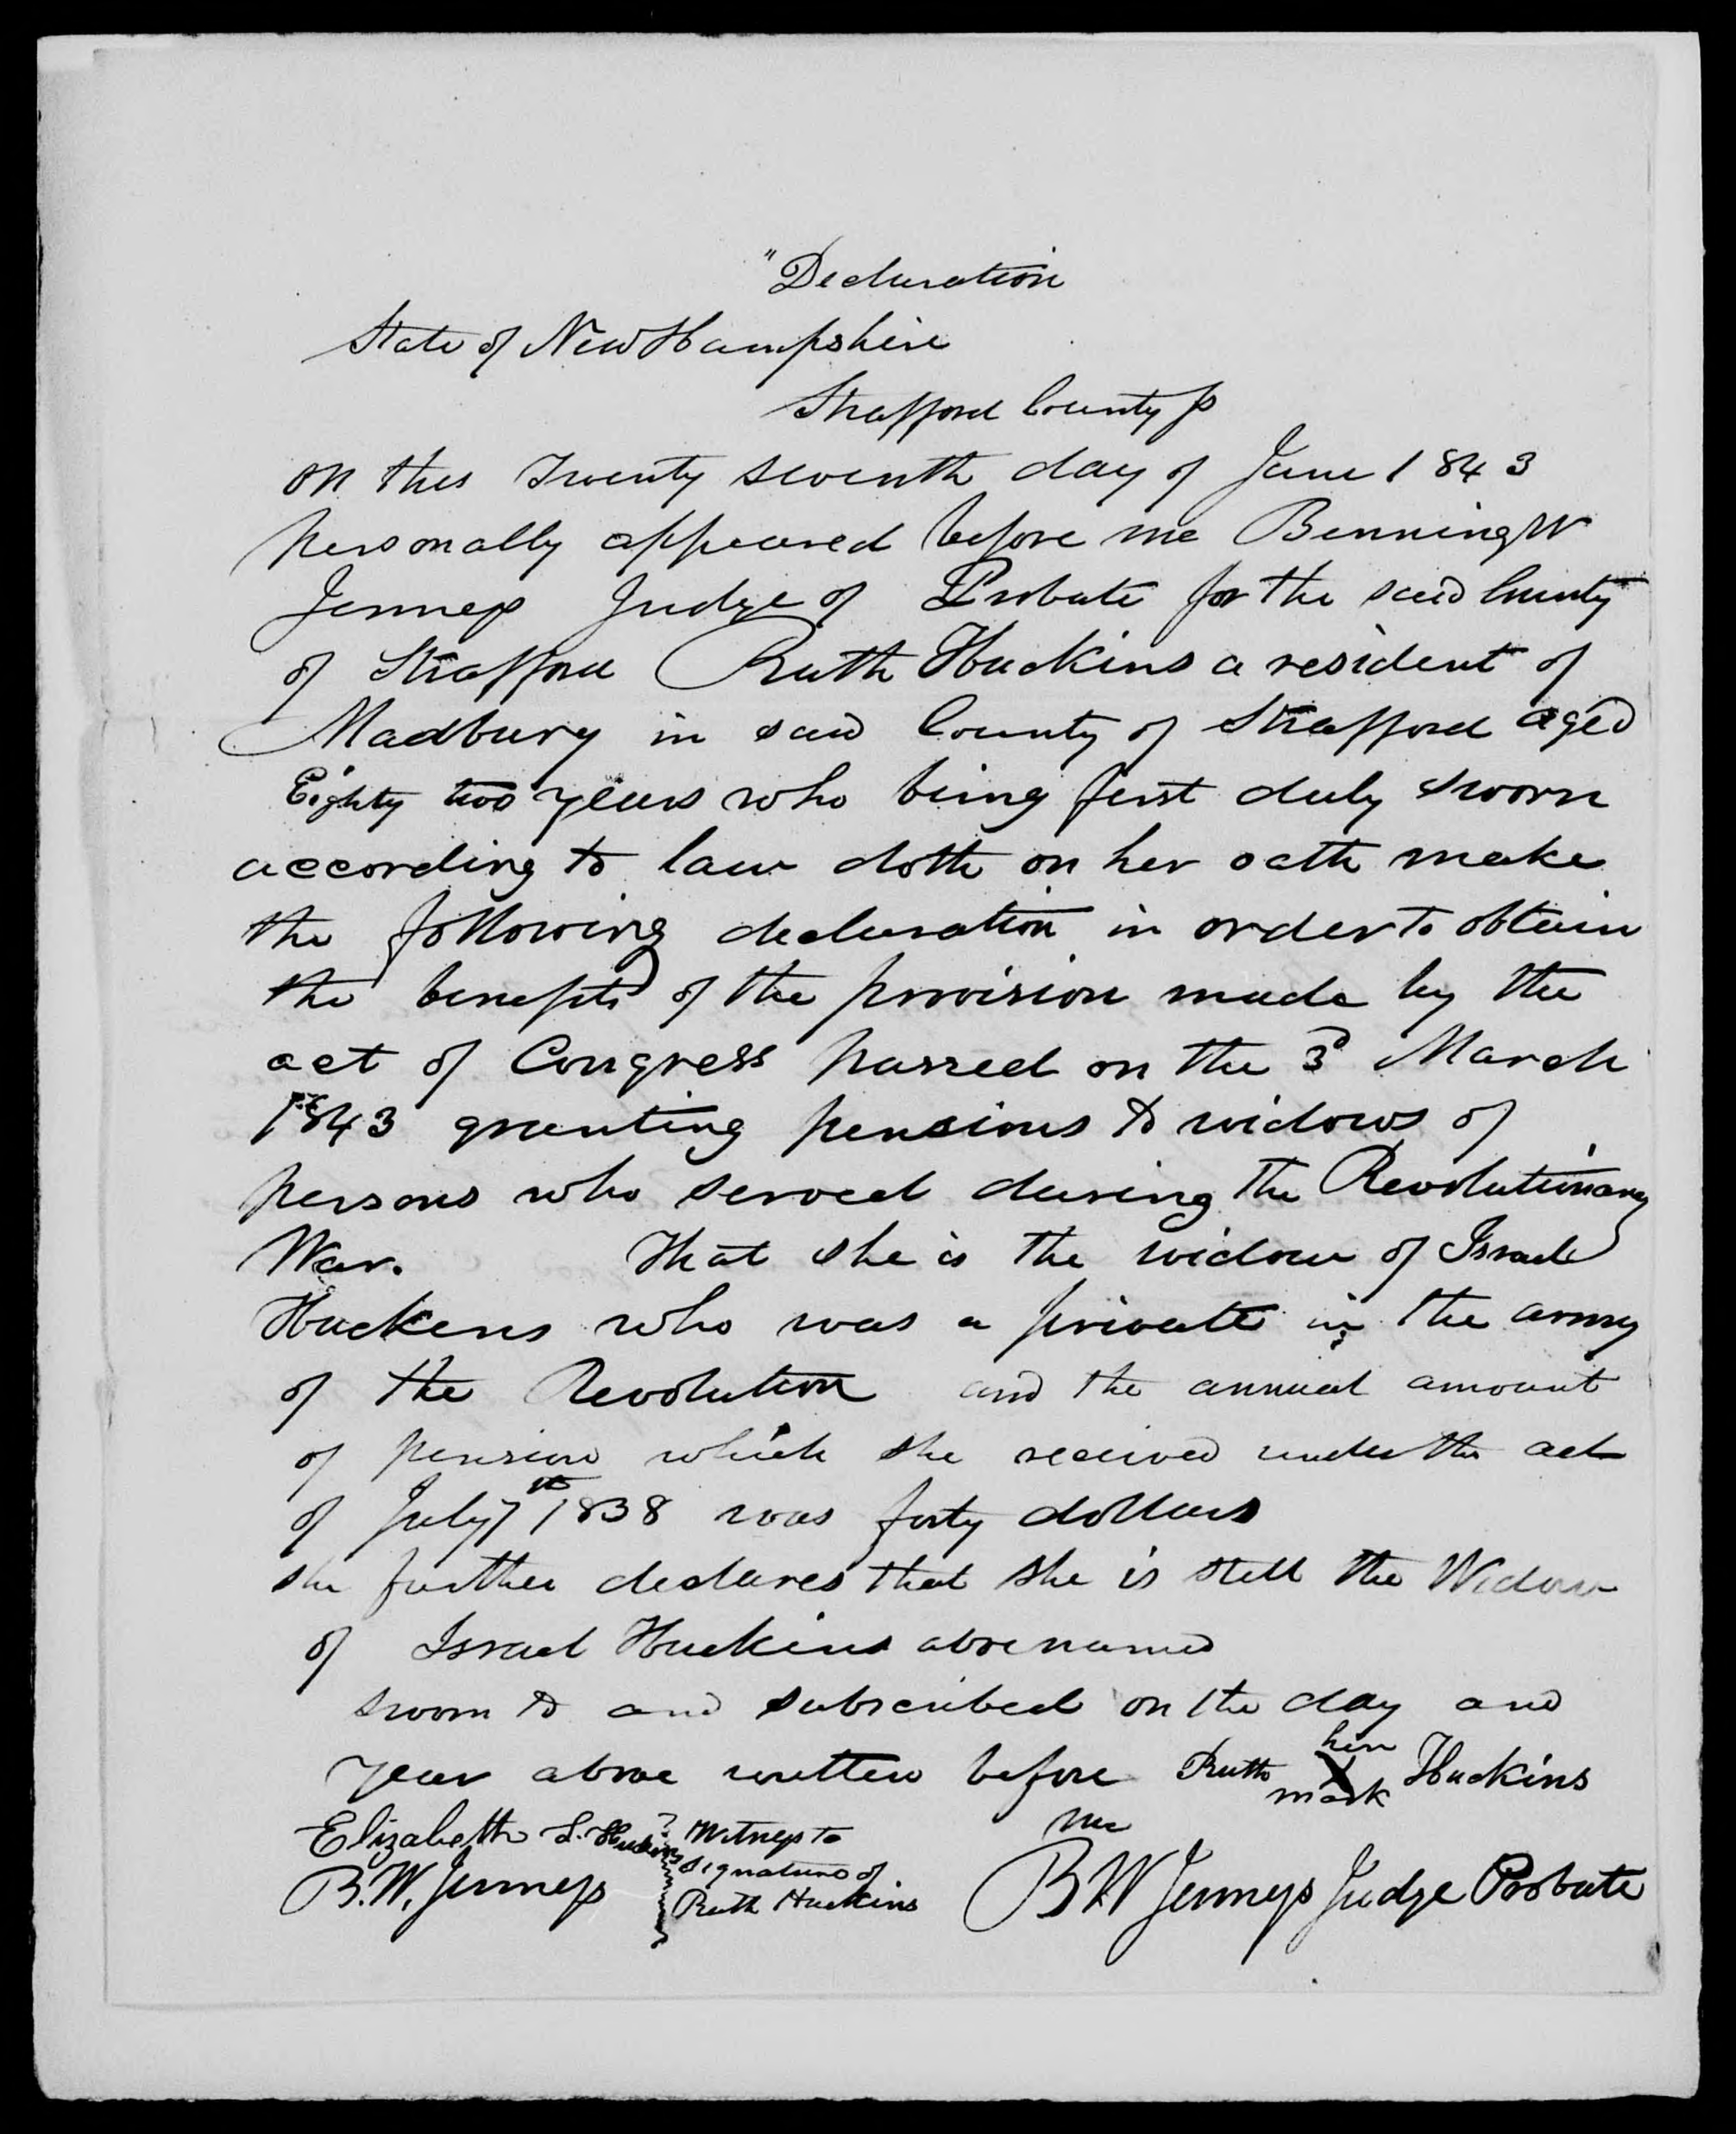Declaration State of New Hampshire Strafford County S.S.

On this twenty seventh day of June 1843 personally appeared before me Benning W. Jenness, Judge of Probate for the said county of Strafford, Ruth Huckins a resident of Madbury in said County of Strafford aged eighty two years, who being first duly sworn according to law doth on her oath make the following declaration in order to obtain the benefit of the provision made by the act of Congress passed on the 3rd March 1843, granting pensions to widows of persons who served during the Revolutionary War. That she is the widow of Israel Huckins who was a private in the army of the Revolution and the annual amount of pension which she received under the act of July 1838 was forty dollars. She further declares that she is still the widow of Israel Huckins above named.

Sworn to and subscribed on the day and year above written before Ruth Huckins. 

Elizabeth L. Perkins, 
Witness to mark B.W. Jenness, Judge of Probate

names: Ruth Huckins, Elizabeth S Huckins, B W Jenness, Benning W Jenness, Israel Huckens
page: 33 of 35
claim: widow's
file: W. 16127, Israel Huckins, N.H.